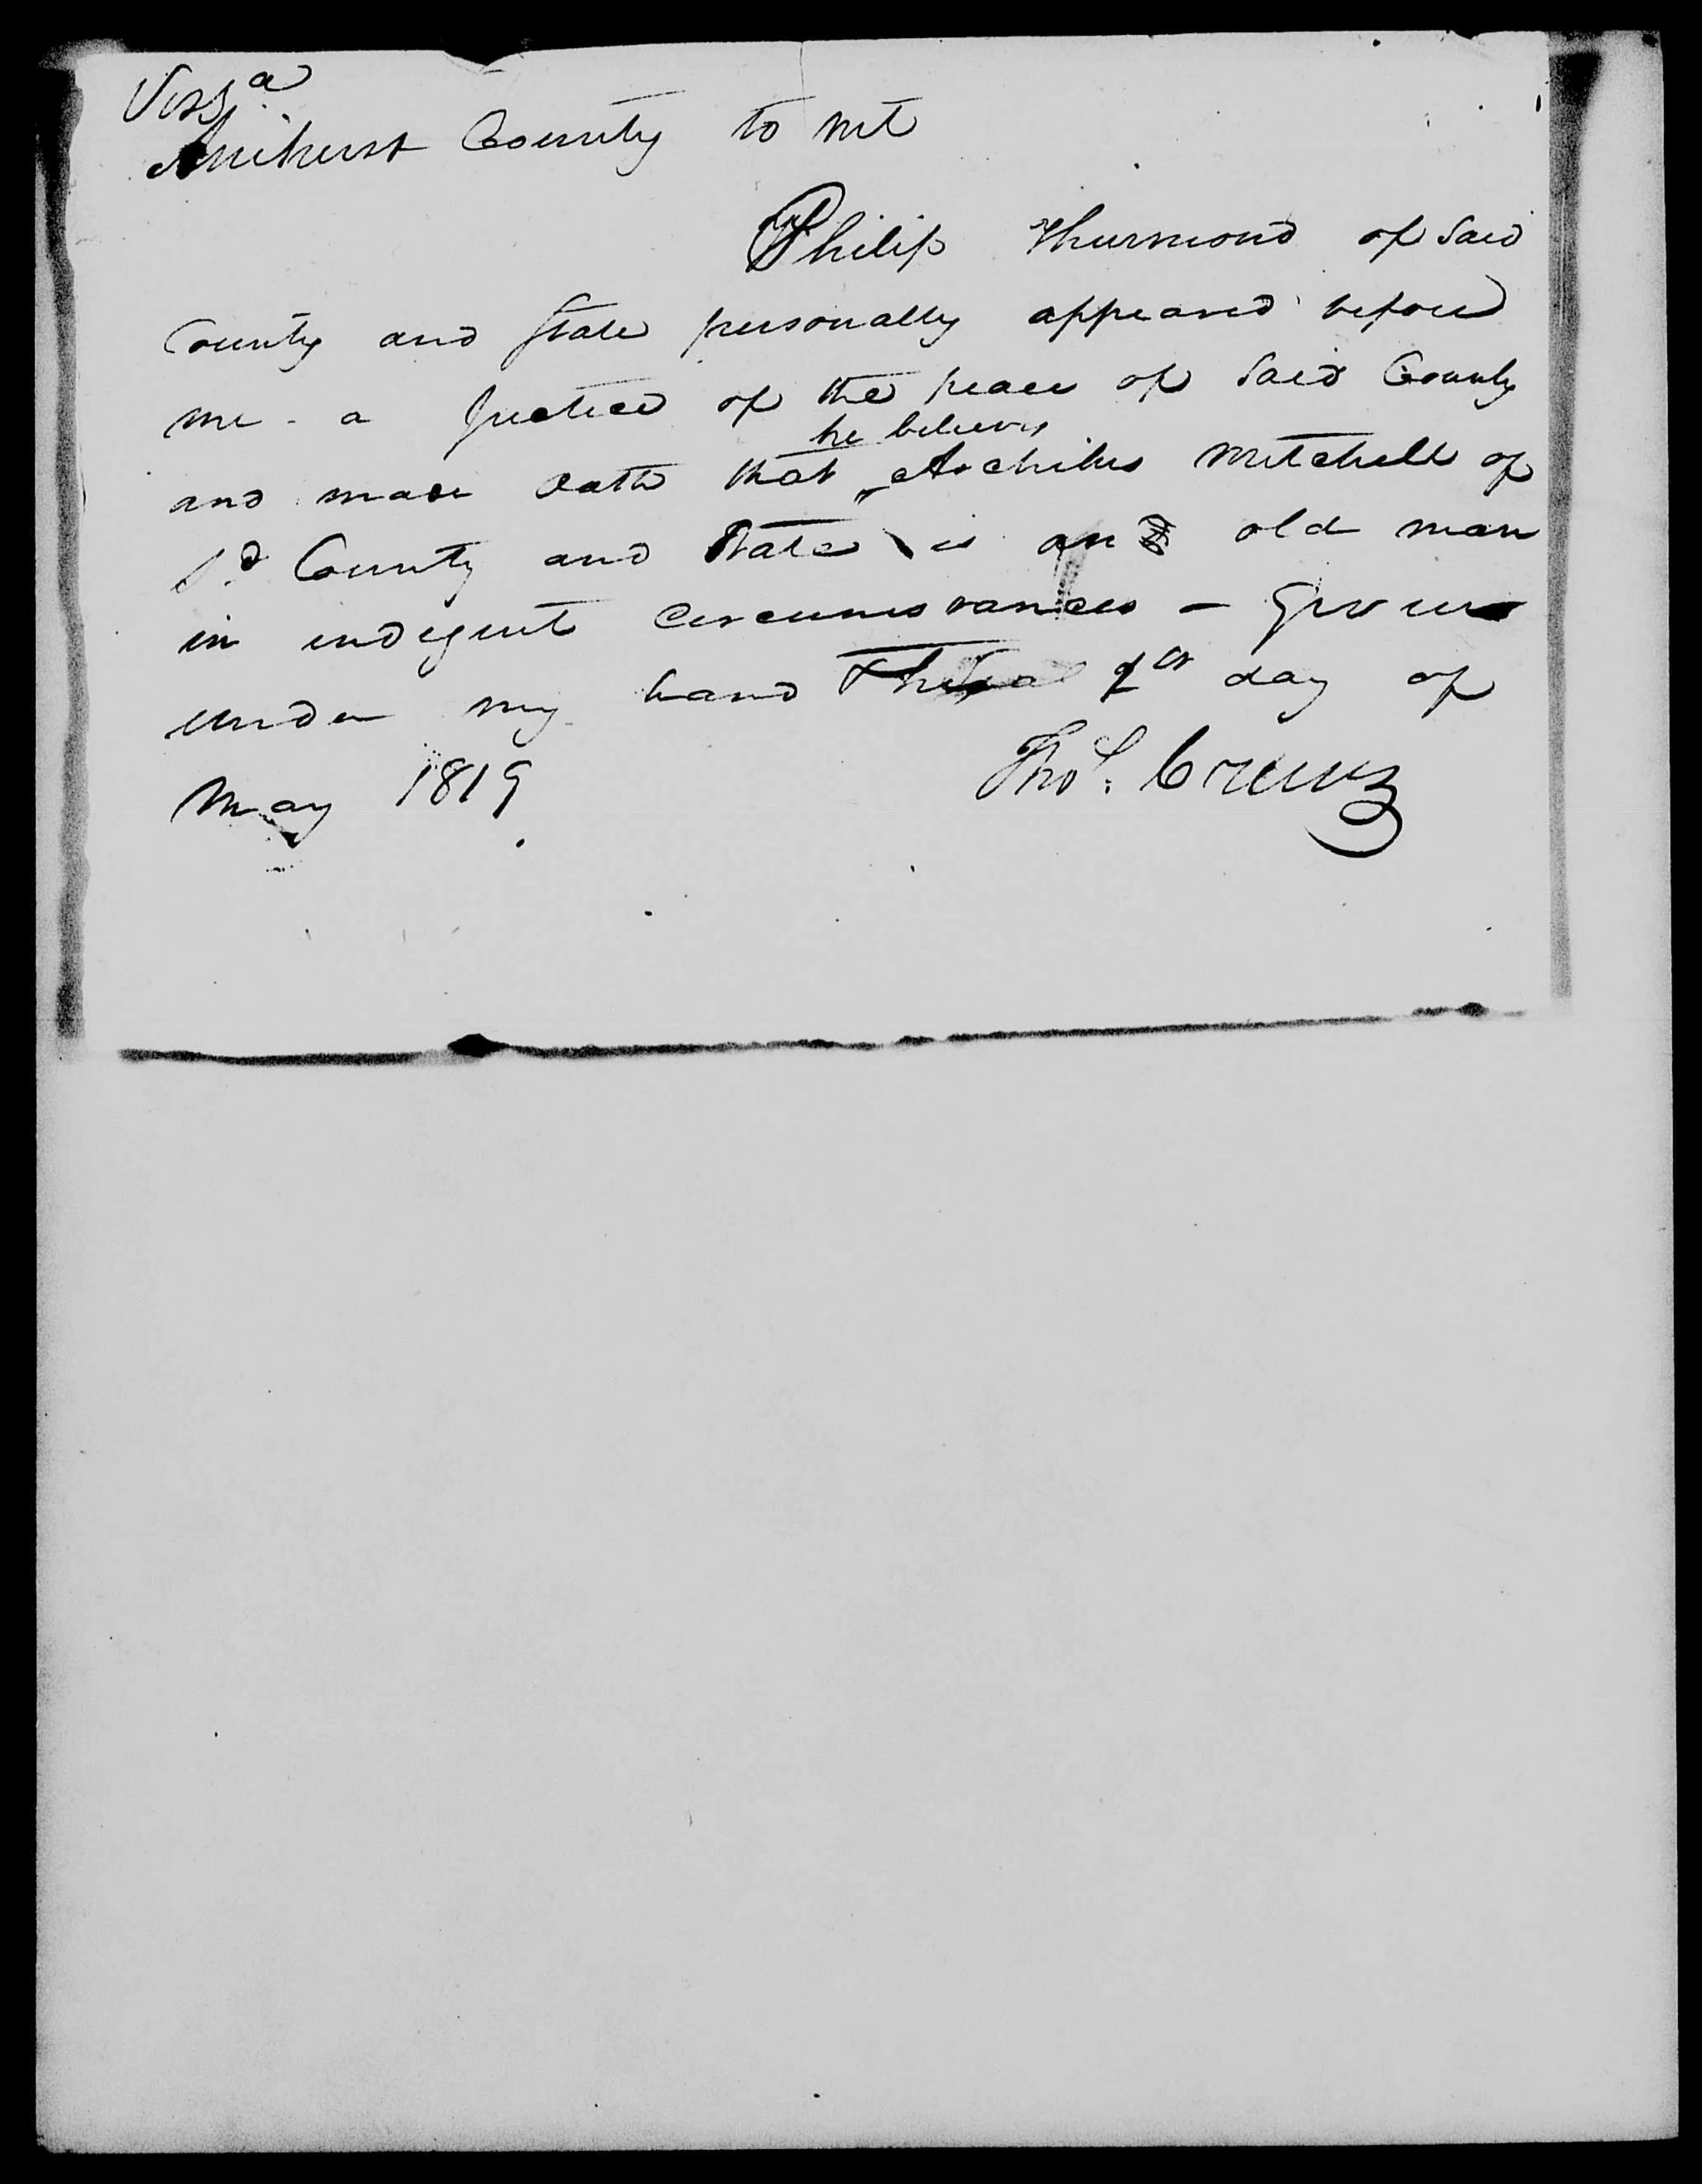Virgᵃ
Amherst County to wit

Philip Thurmond of said County and State personally appeared before me - a Justice of the peace of said County and made oath that ^he believes Archilus(sic) Mitchell of sᵈ County and State is an old man in indigent circumstances_

Given under my hand this 2ᵈ day of May 1819
Thos. Crews [signature]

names: Archilus Mitchell; Thos Crews; Philip Thurmond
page: 15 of 23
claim: survivor's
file: S. 38226, for Archelaus Mitchell, Virginia